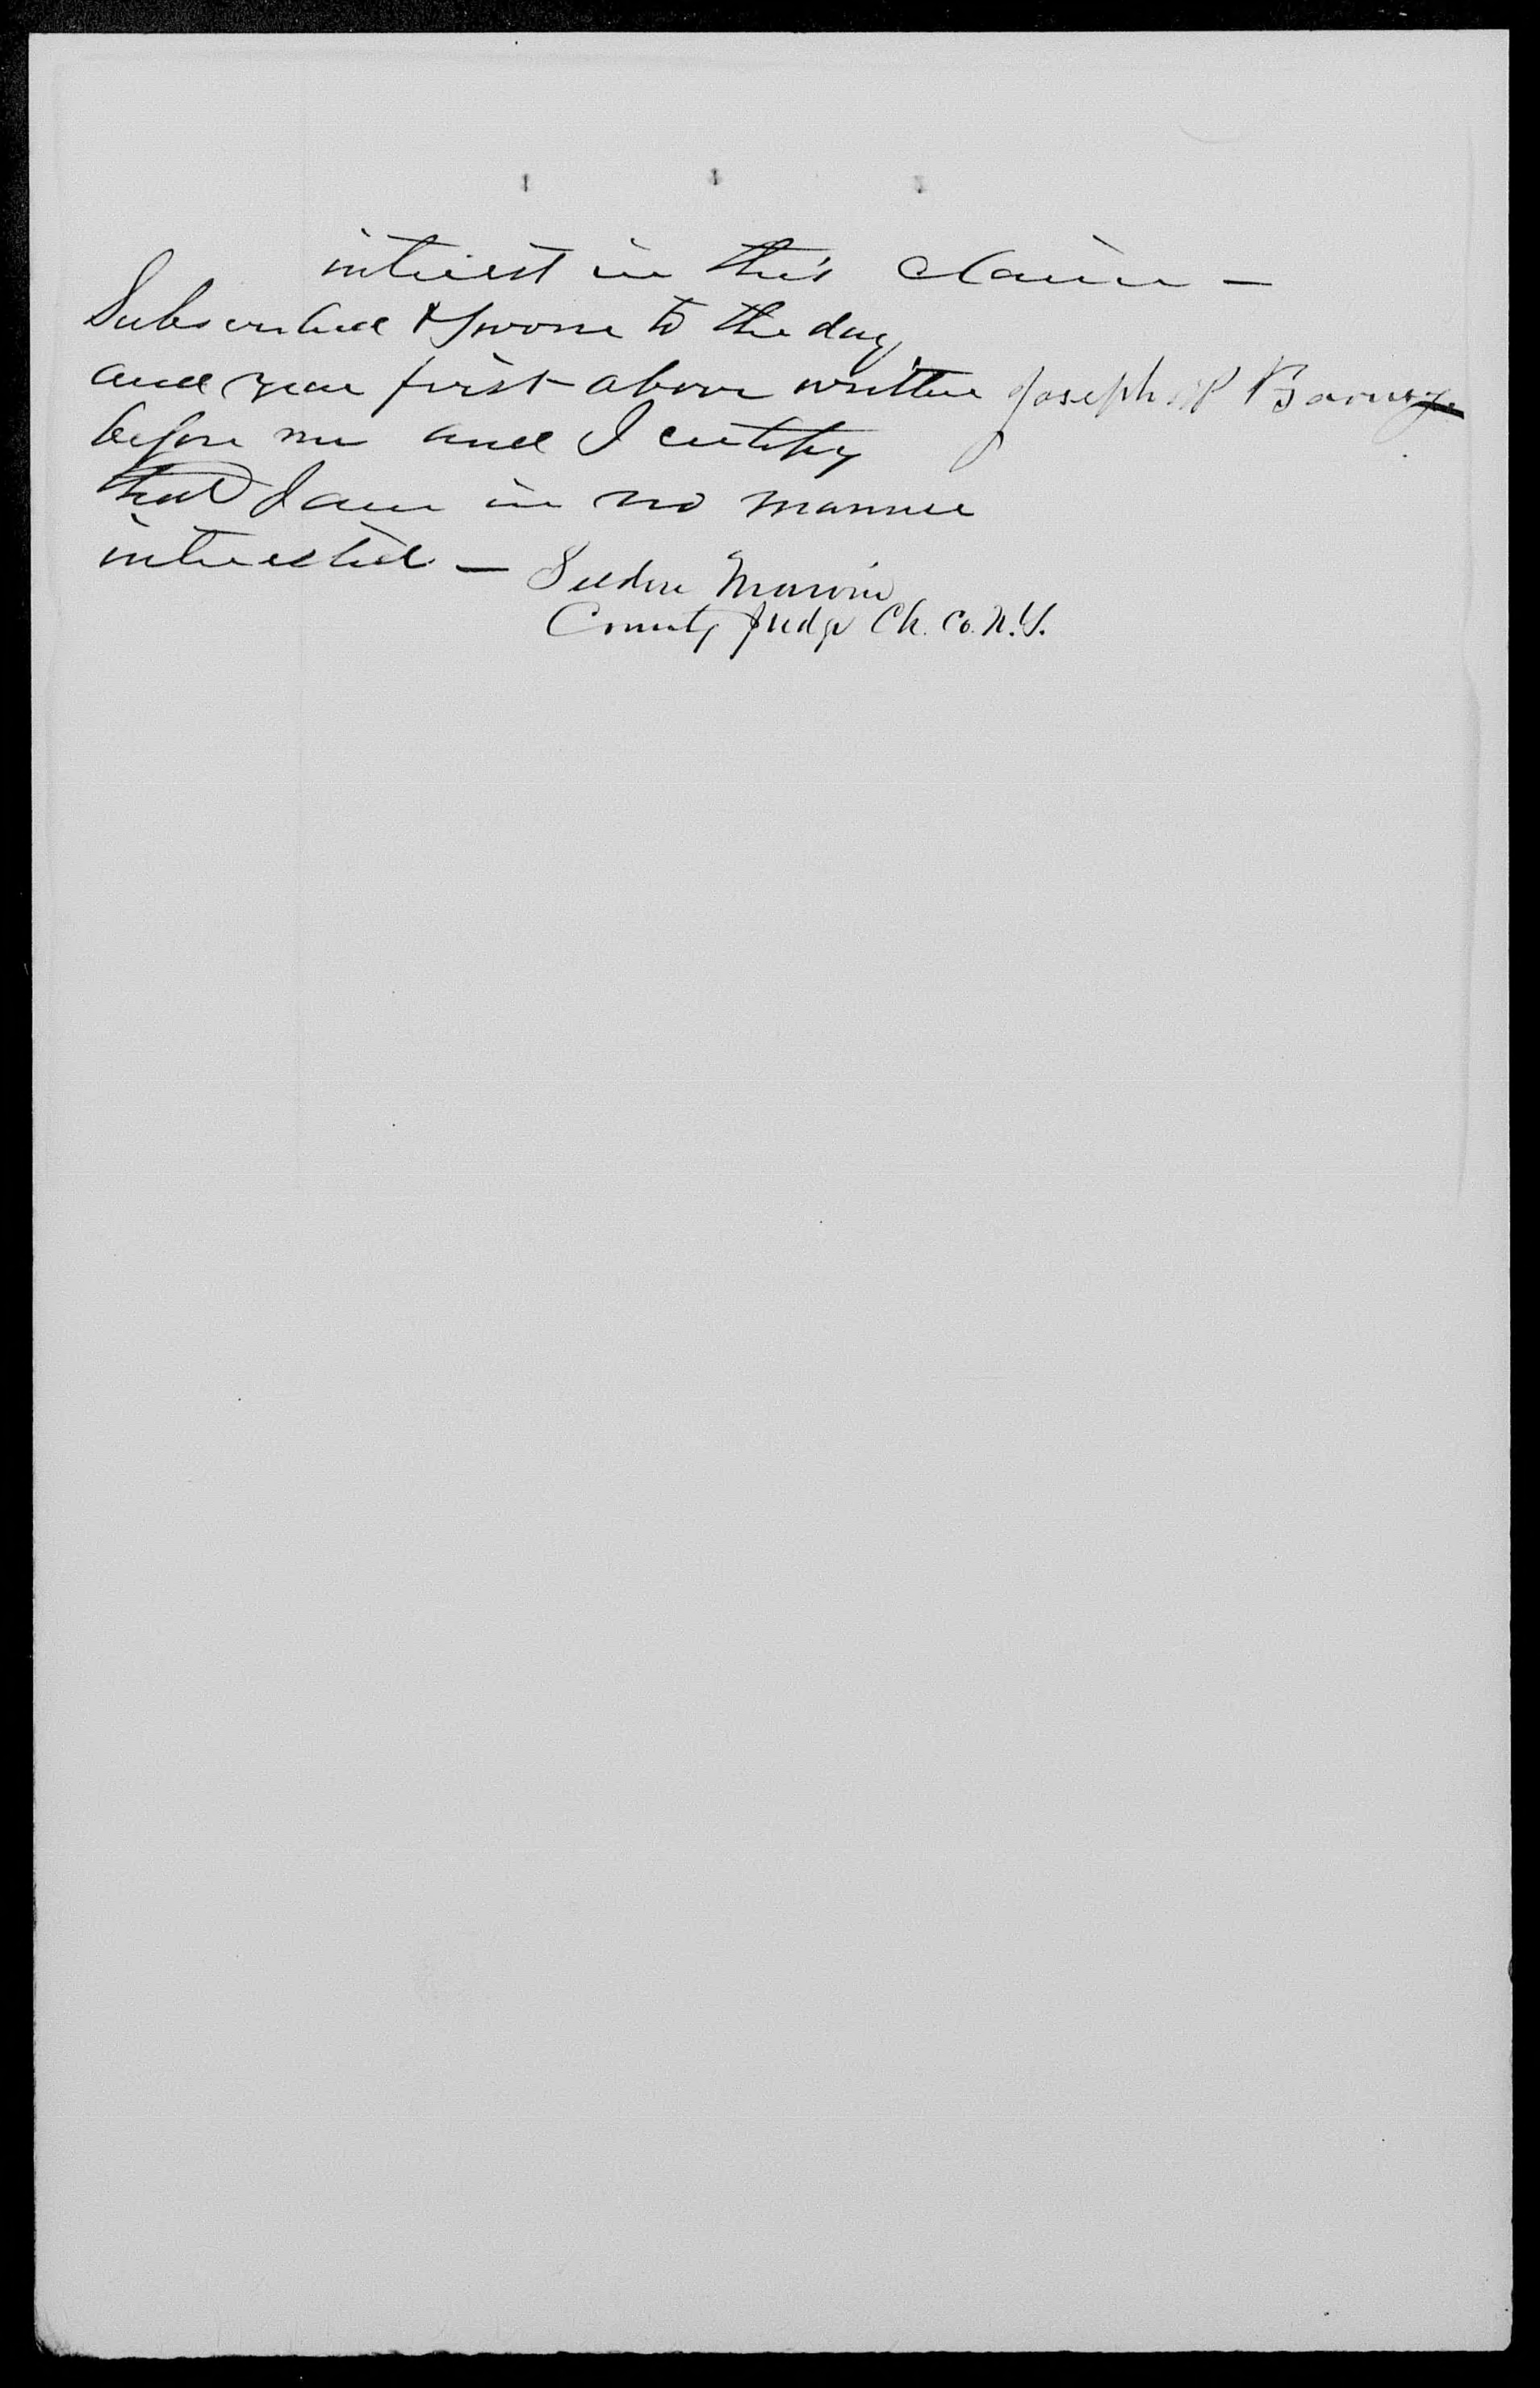interest in this claim. Subscribed & swore to the day and year first above written Joseph W. Barney [name in different handwriting] before me and I certify had Jam in no manner interested.
Seldin Marvin
County Judge Ch. Co. N.Y.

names: Joseph W Barney, Selden Marvin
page: 28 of 61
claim: widow's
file: W. 4.124, Luther Barney, Conn. Privateer.